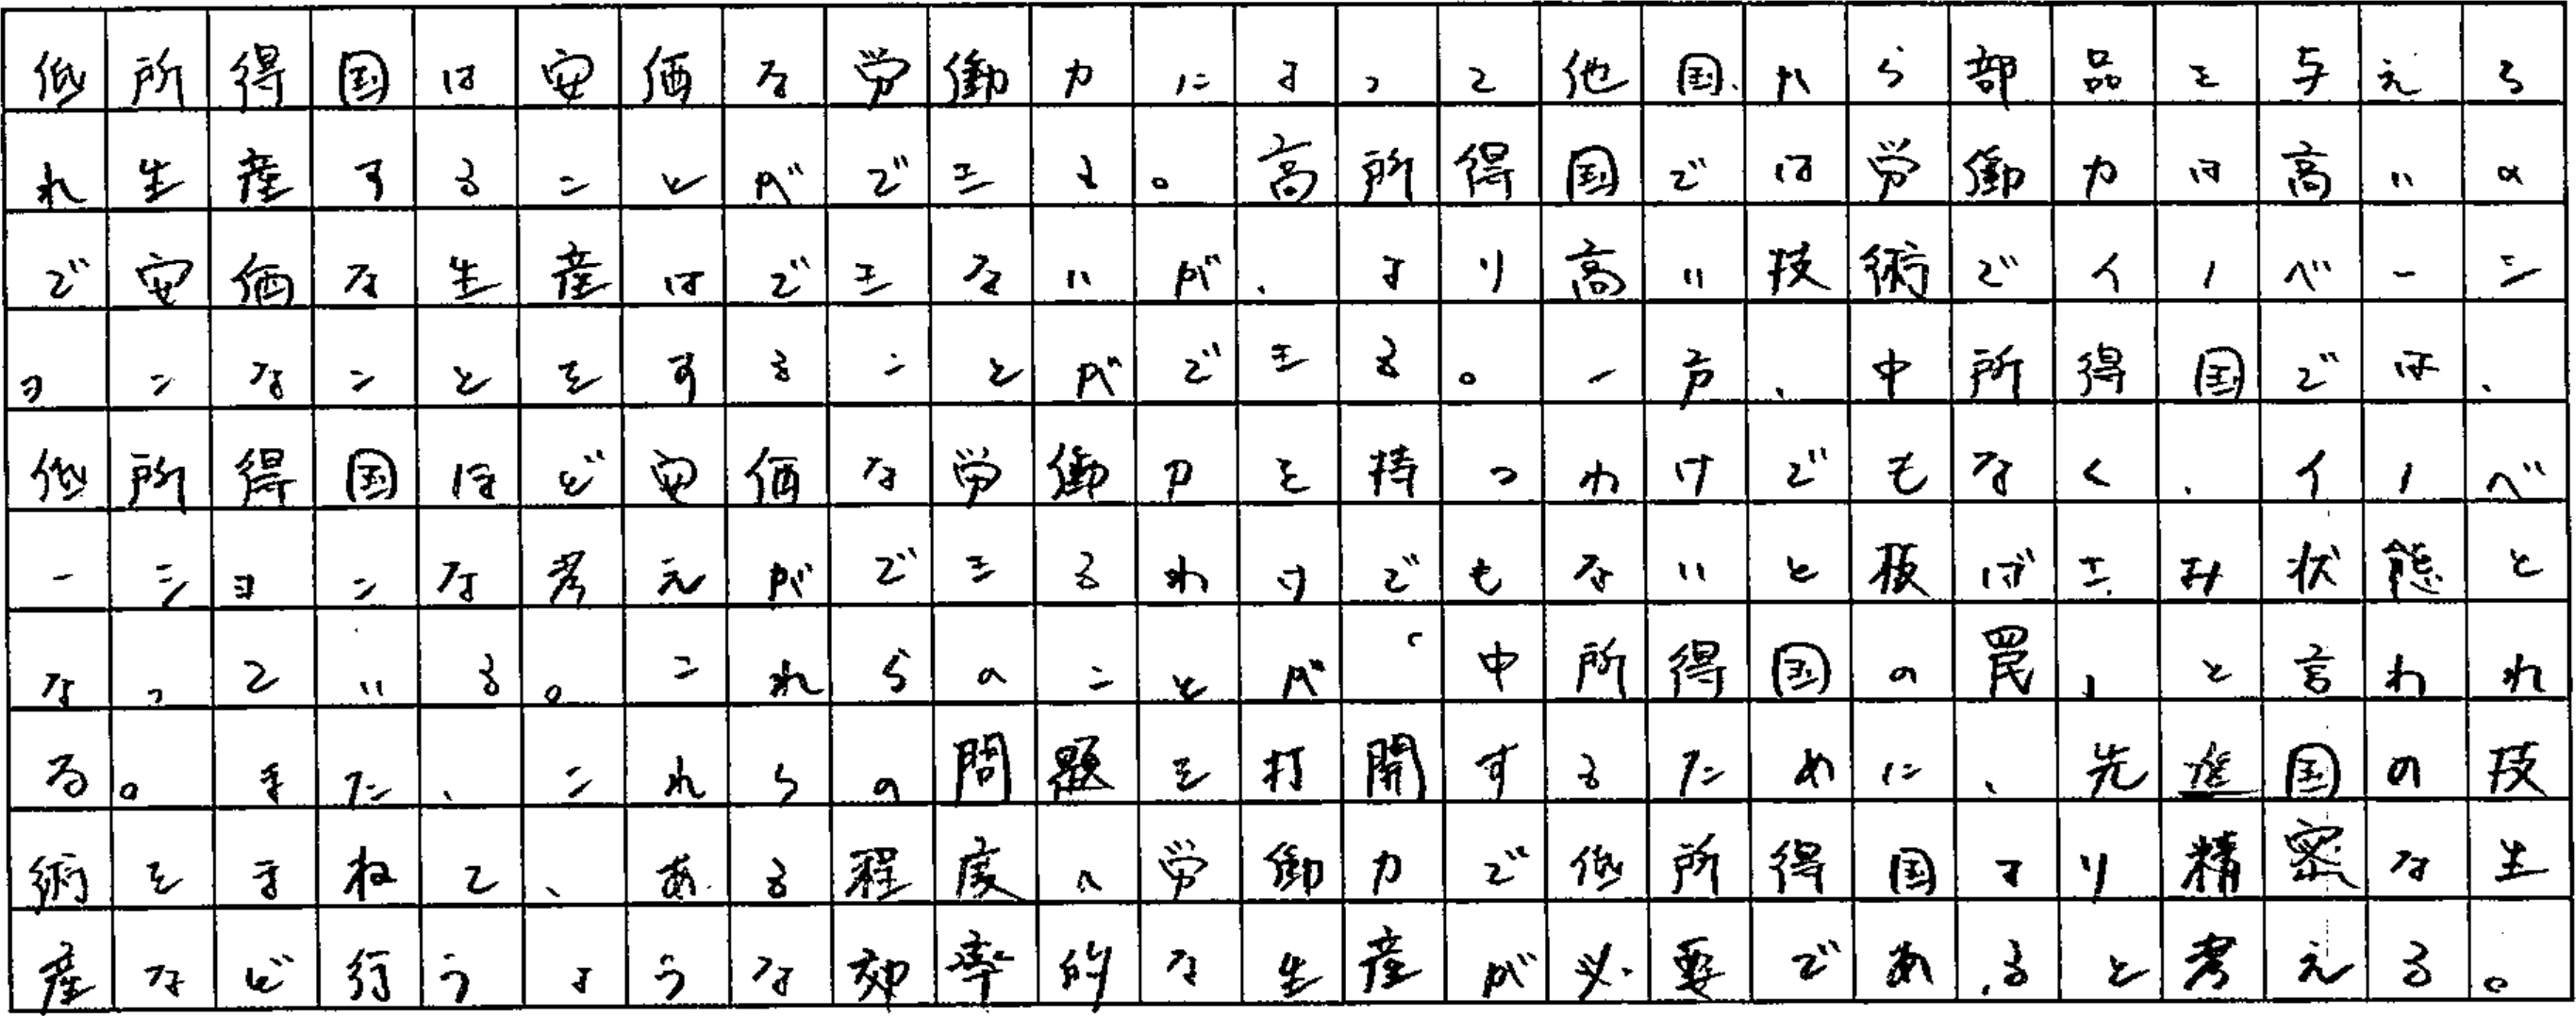低所得国は安価な労働力によって他国から部品を与えられ生産することができる。高所得国では労働力は高いので安価な生産はできないが、より高い技術でイノベーションなことをすることができる。一方、中所得国では、低所得国ほど安価な労働力を持つわけでもなく、イノベーションな考えができるわけでもないと板ばさみ状態となっている。これらのことが「中所得国の罠」と言われる。また、これらの問題を打開するために、先進国の技術をまねて、ある程度の労働力で低所得国より精密な生産など行うような効率的な生産が必要であると考える。
